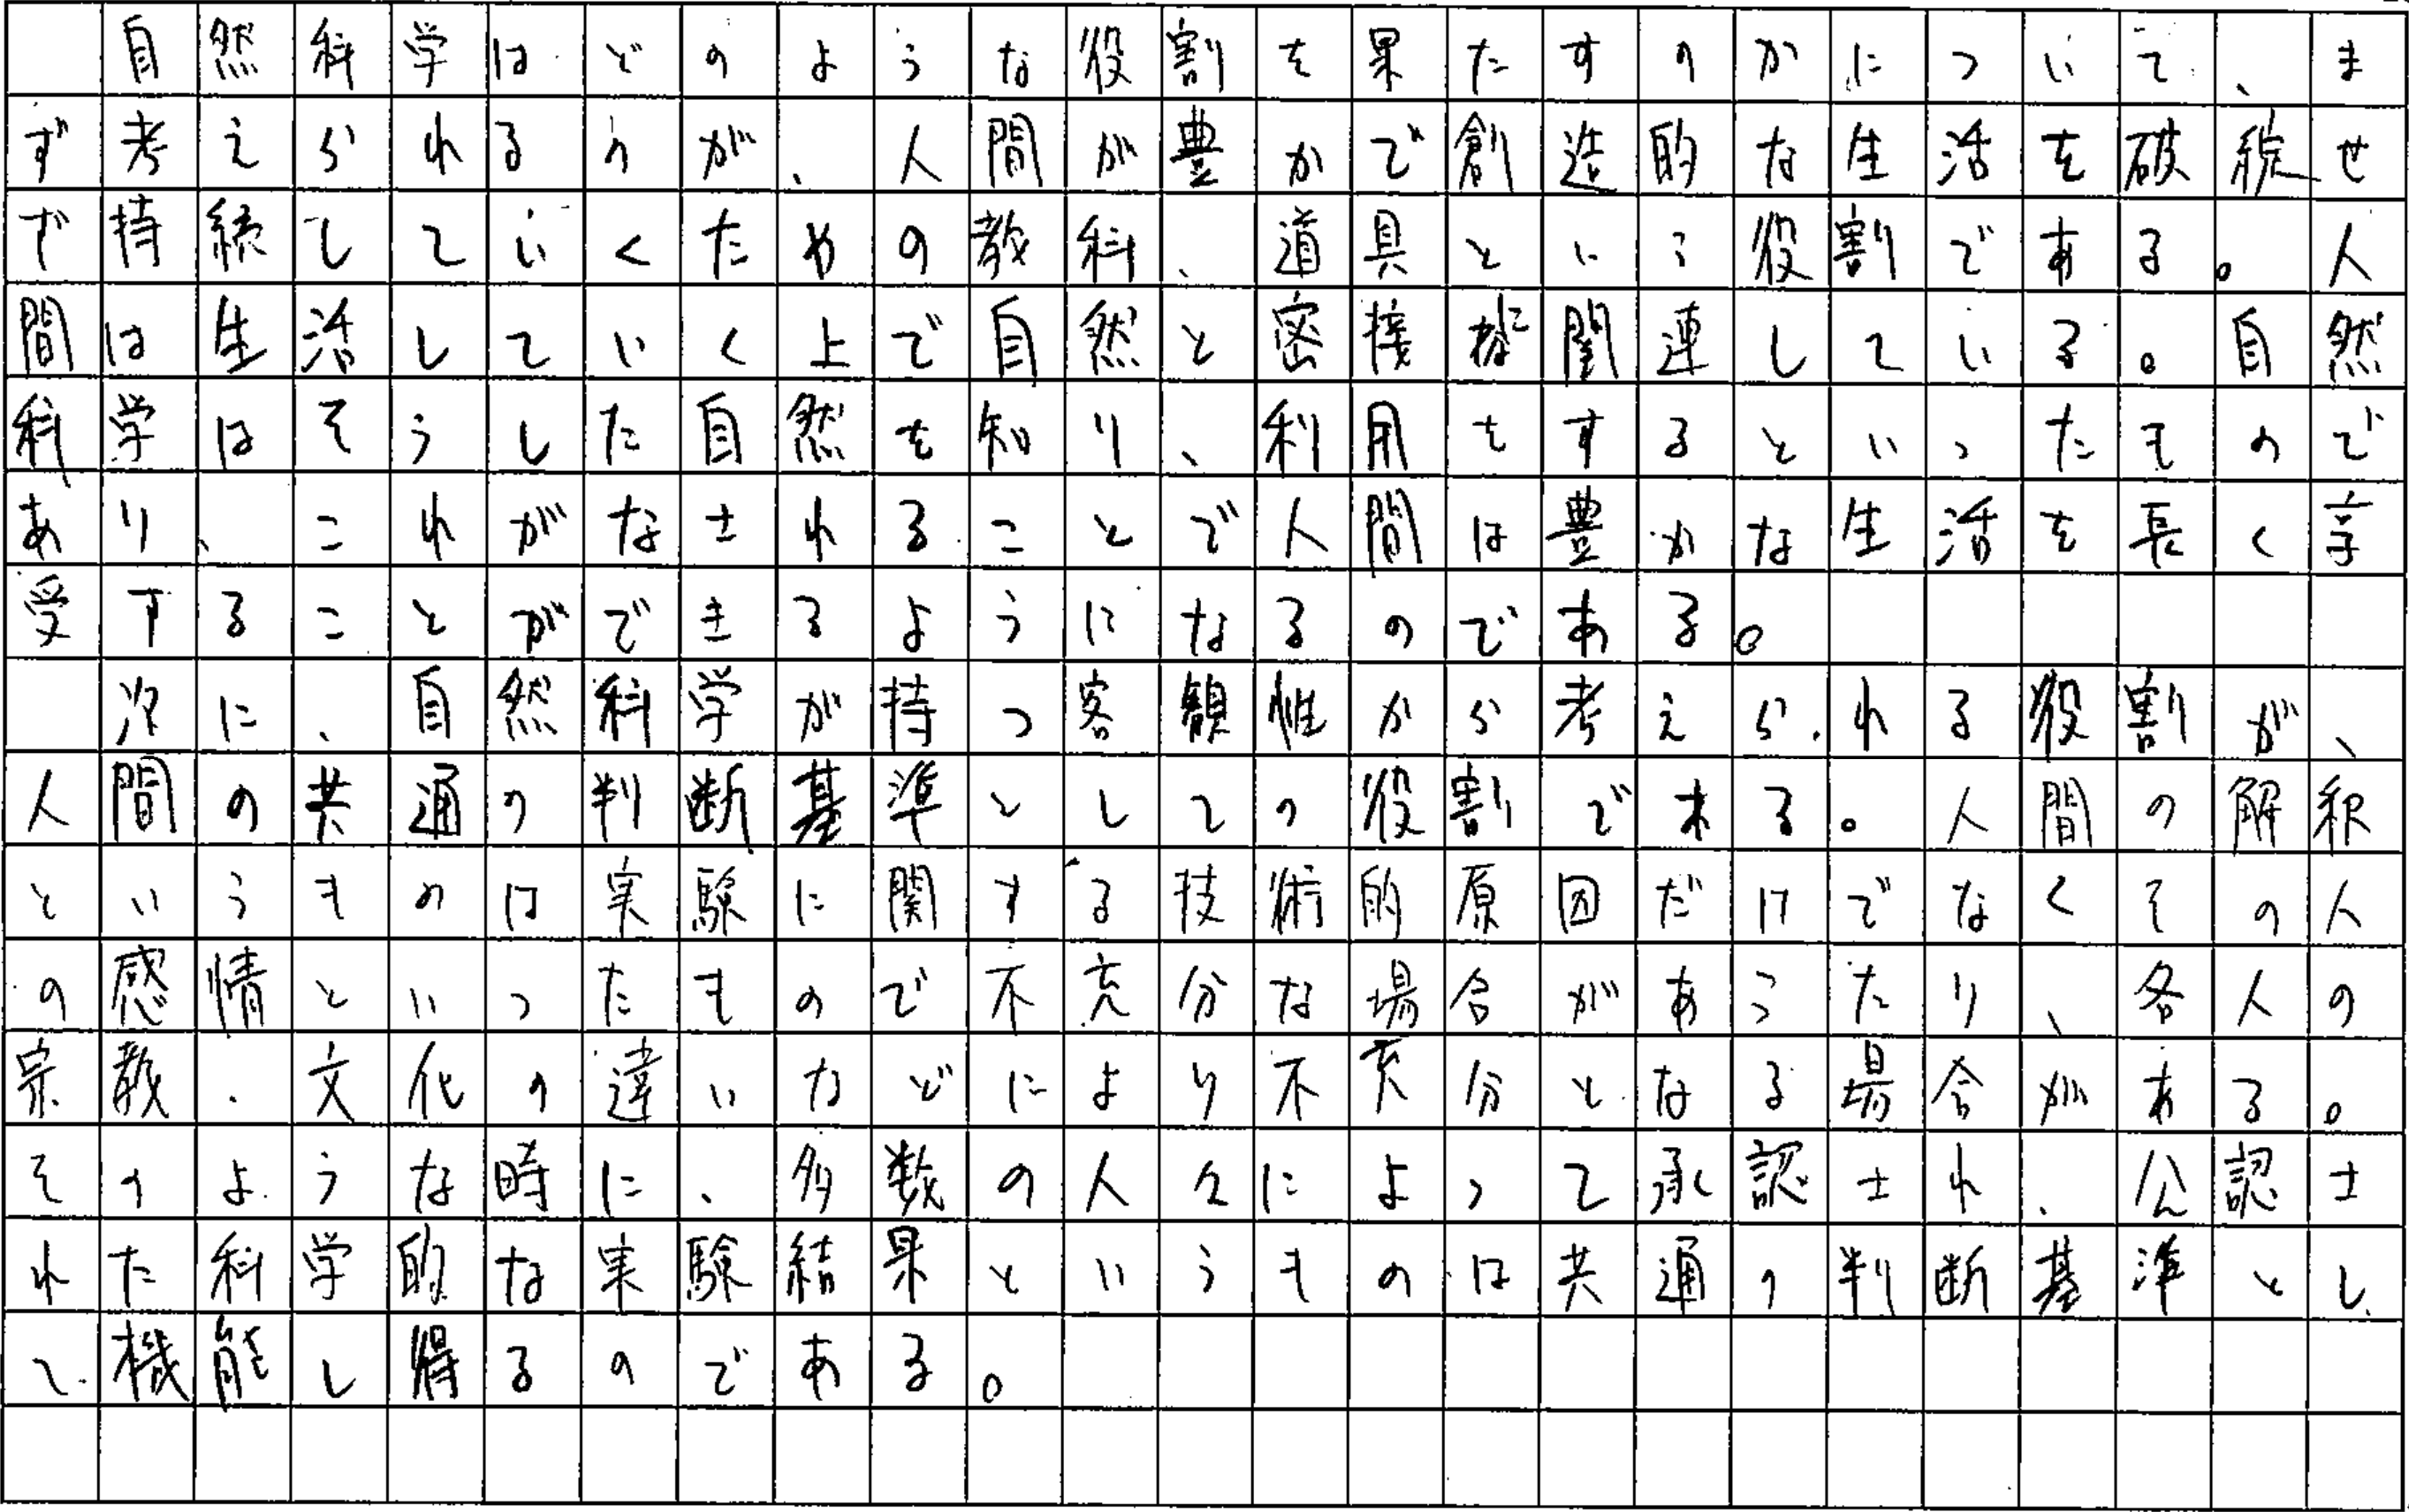　自然科学はどのような役割を果たすのかについて、まず考えられるのが、人間が豊かで創造的な生活を破綻せず持続していくための教科、道具という役割である。人間は生活していく上で自然と密接に関連している。自然科学はそうした自然を知り、利用するといったものであり、これがなされることで人間は豊かな生活を長く享受することができるようになるのである。
　次に、自然科学が持つ客観性から考えられる役割が、人間の共通の判断基準としての役割である。人間の解釈というものは実験に関する技術的原因だけでなくその人の感情といったもので不充分な場合があったり、各人の宗教、文化の違いなどにより不充分となる場合がある。そのような時に、多数の人々によって承認され、公認された科学的な実験結果というものは共通の判断基準として機能し得るのである。
